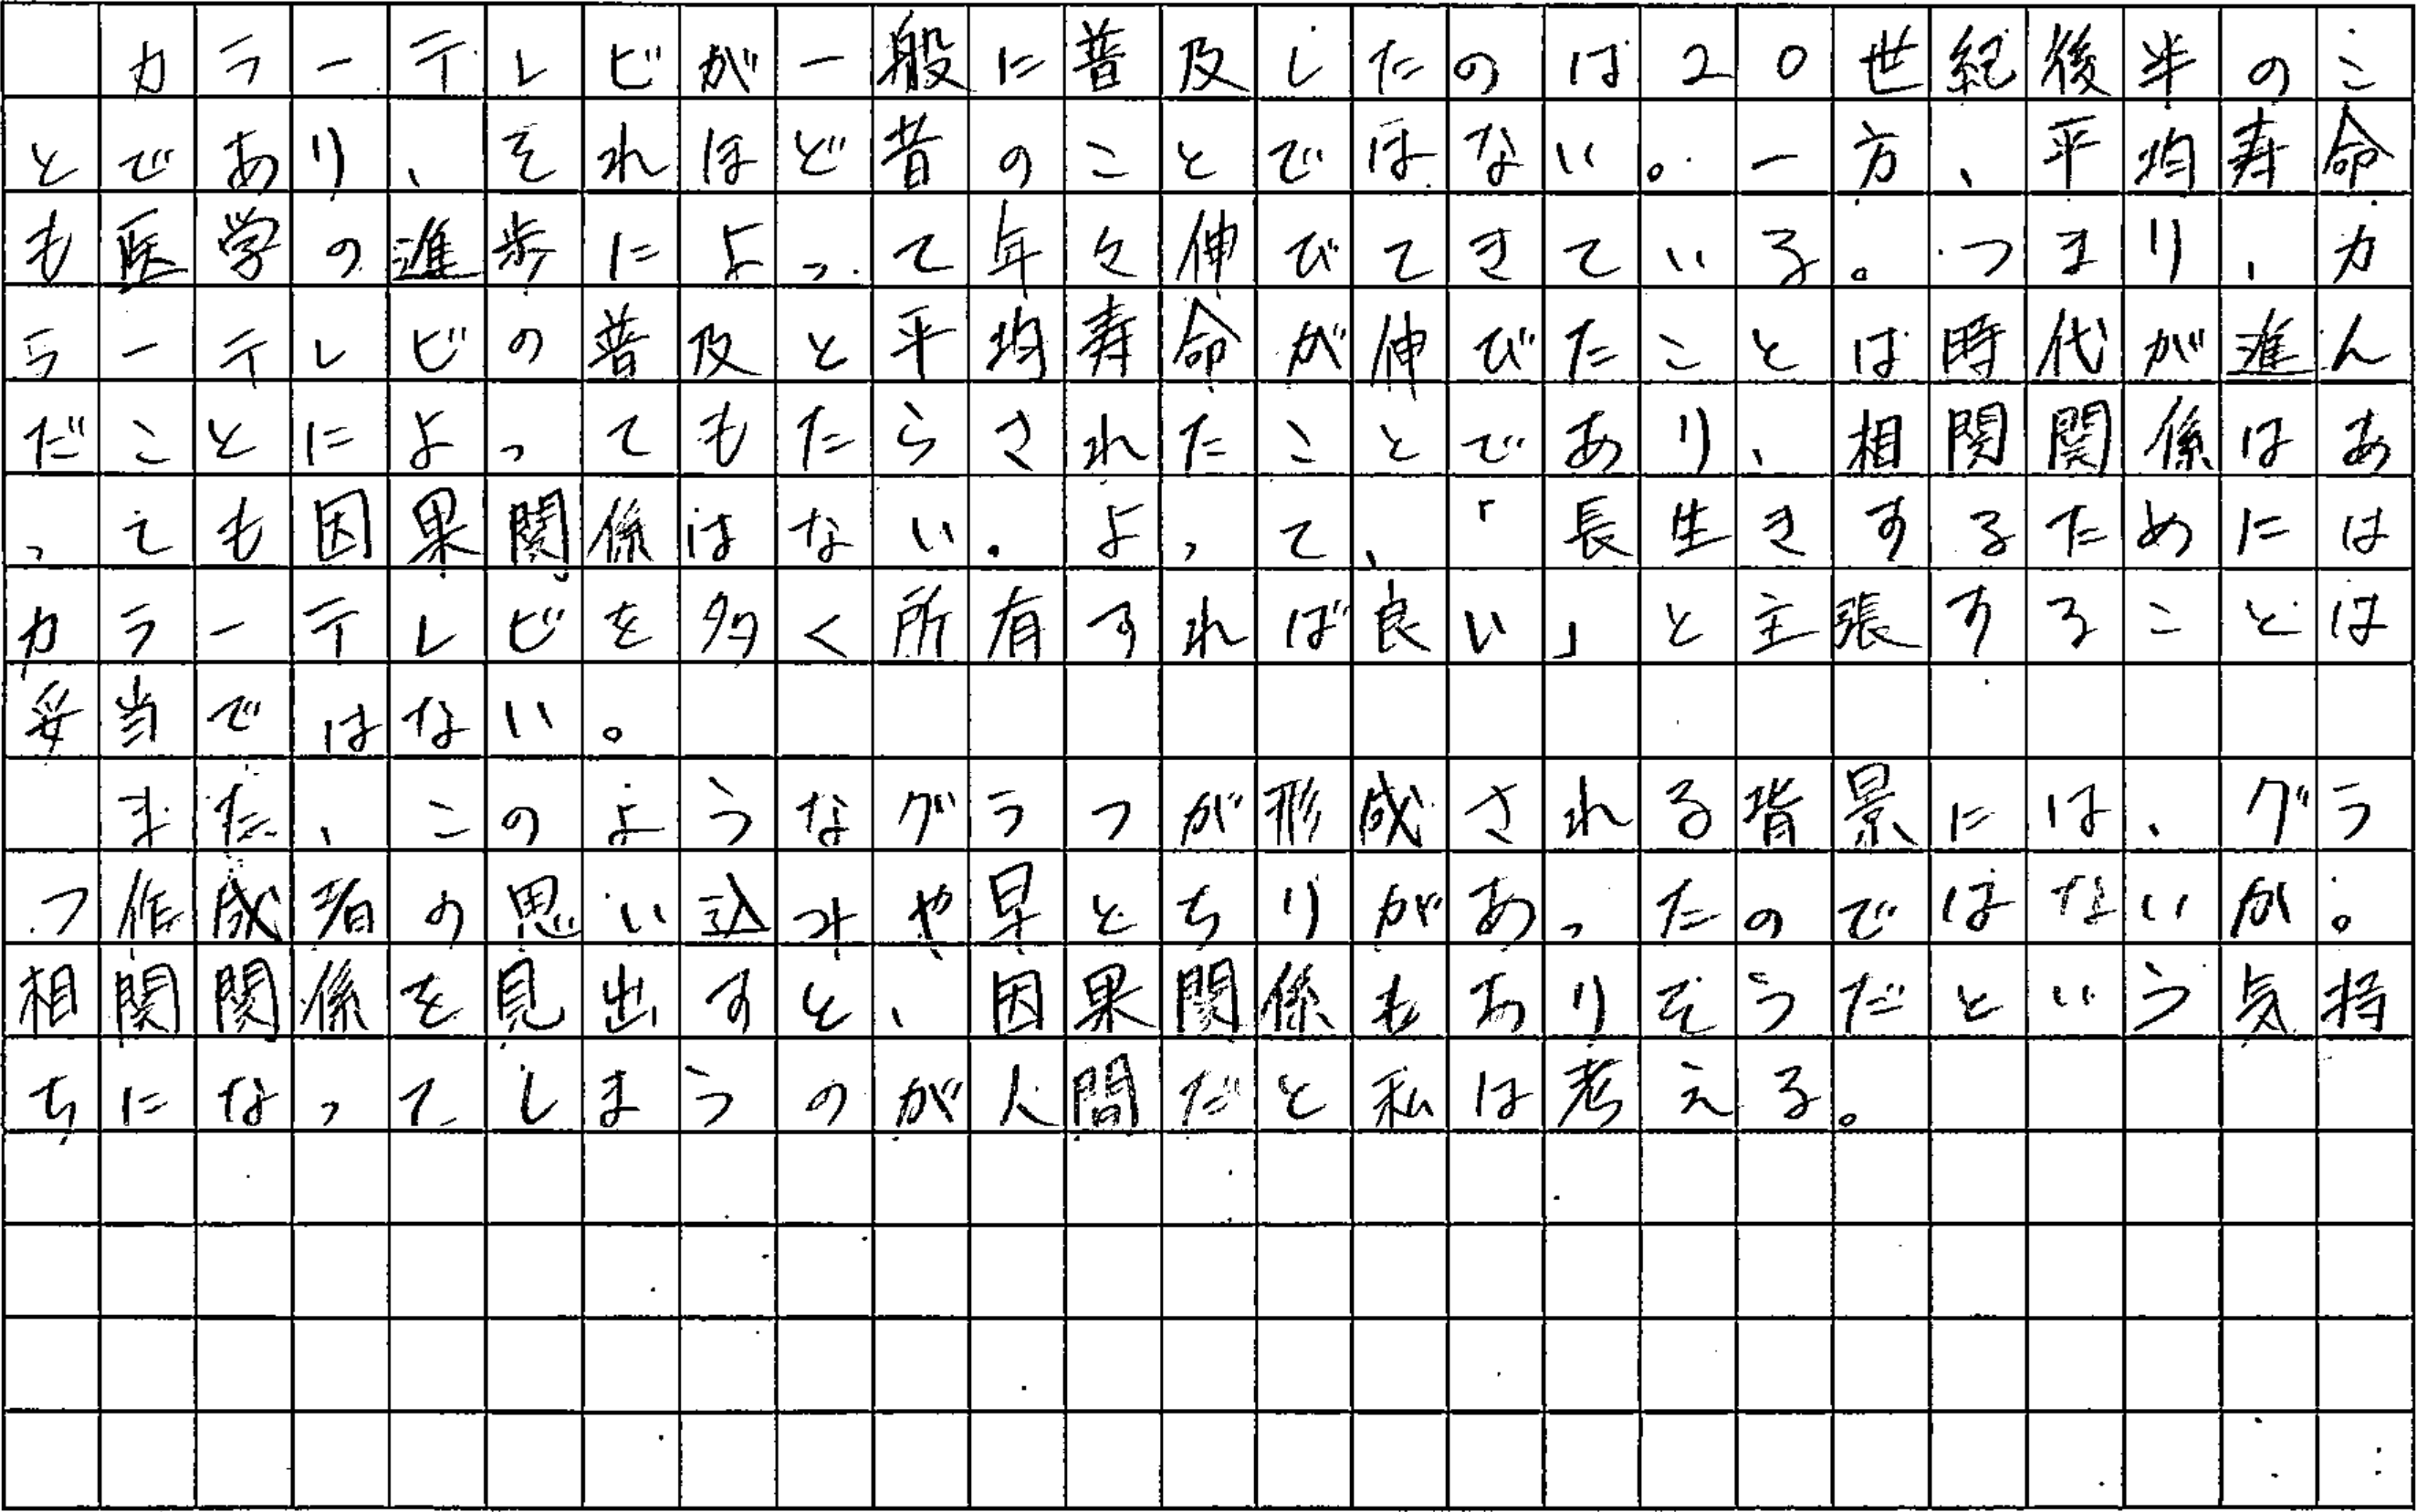　カラーテレビが一般に普及したのは２０世紀後半のことであり、それほど昔のことではない。一方、平均寿命も医学の進歩によって年々伸びてきている。つまり、カラーテレビの普及と平均寿命が伸びたことは時代が進んだことによってもたらされたことであり、相関関係はあっても因果関係はない。よって、「長生きすめためにはカラーテレビを多く所有すれば良い」と主張することは妥当ではない。
　また、このようなグラフが形成される背景には、グラフ作成者の思い込みや早とちりがあったのではないか。相関関係を見出すと、因果関係もありそうだという気持ちになってしまうのが人間だと私は考える。
